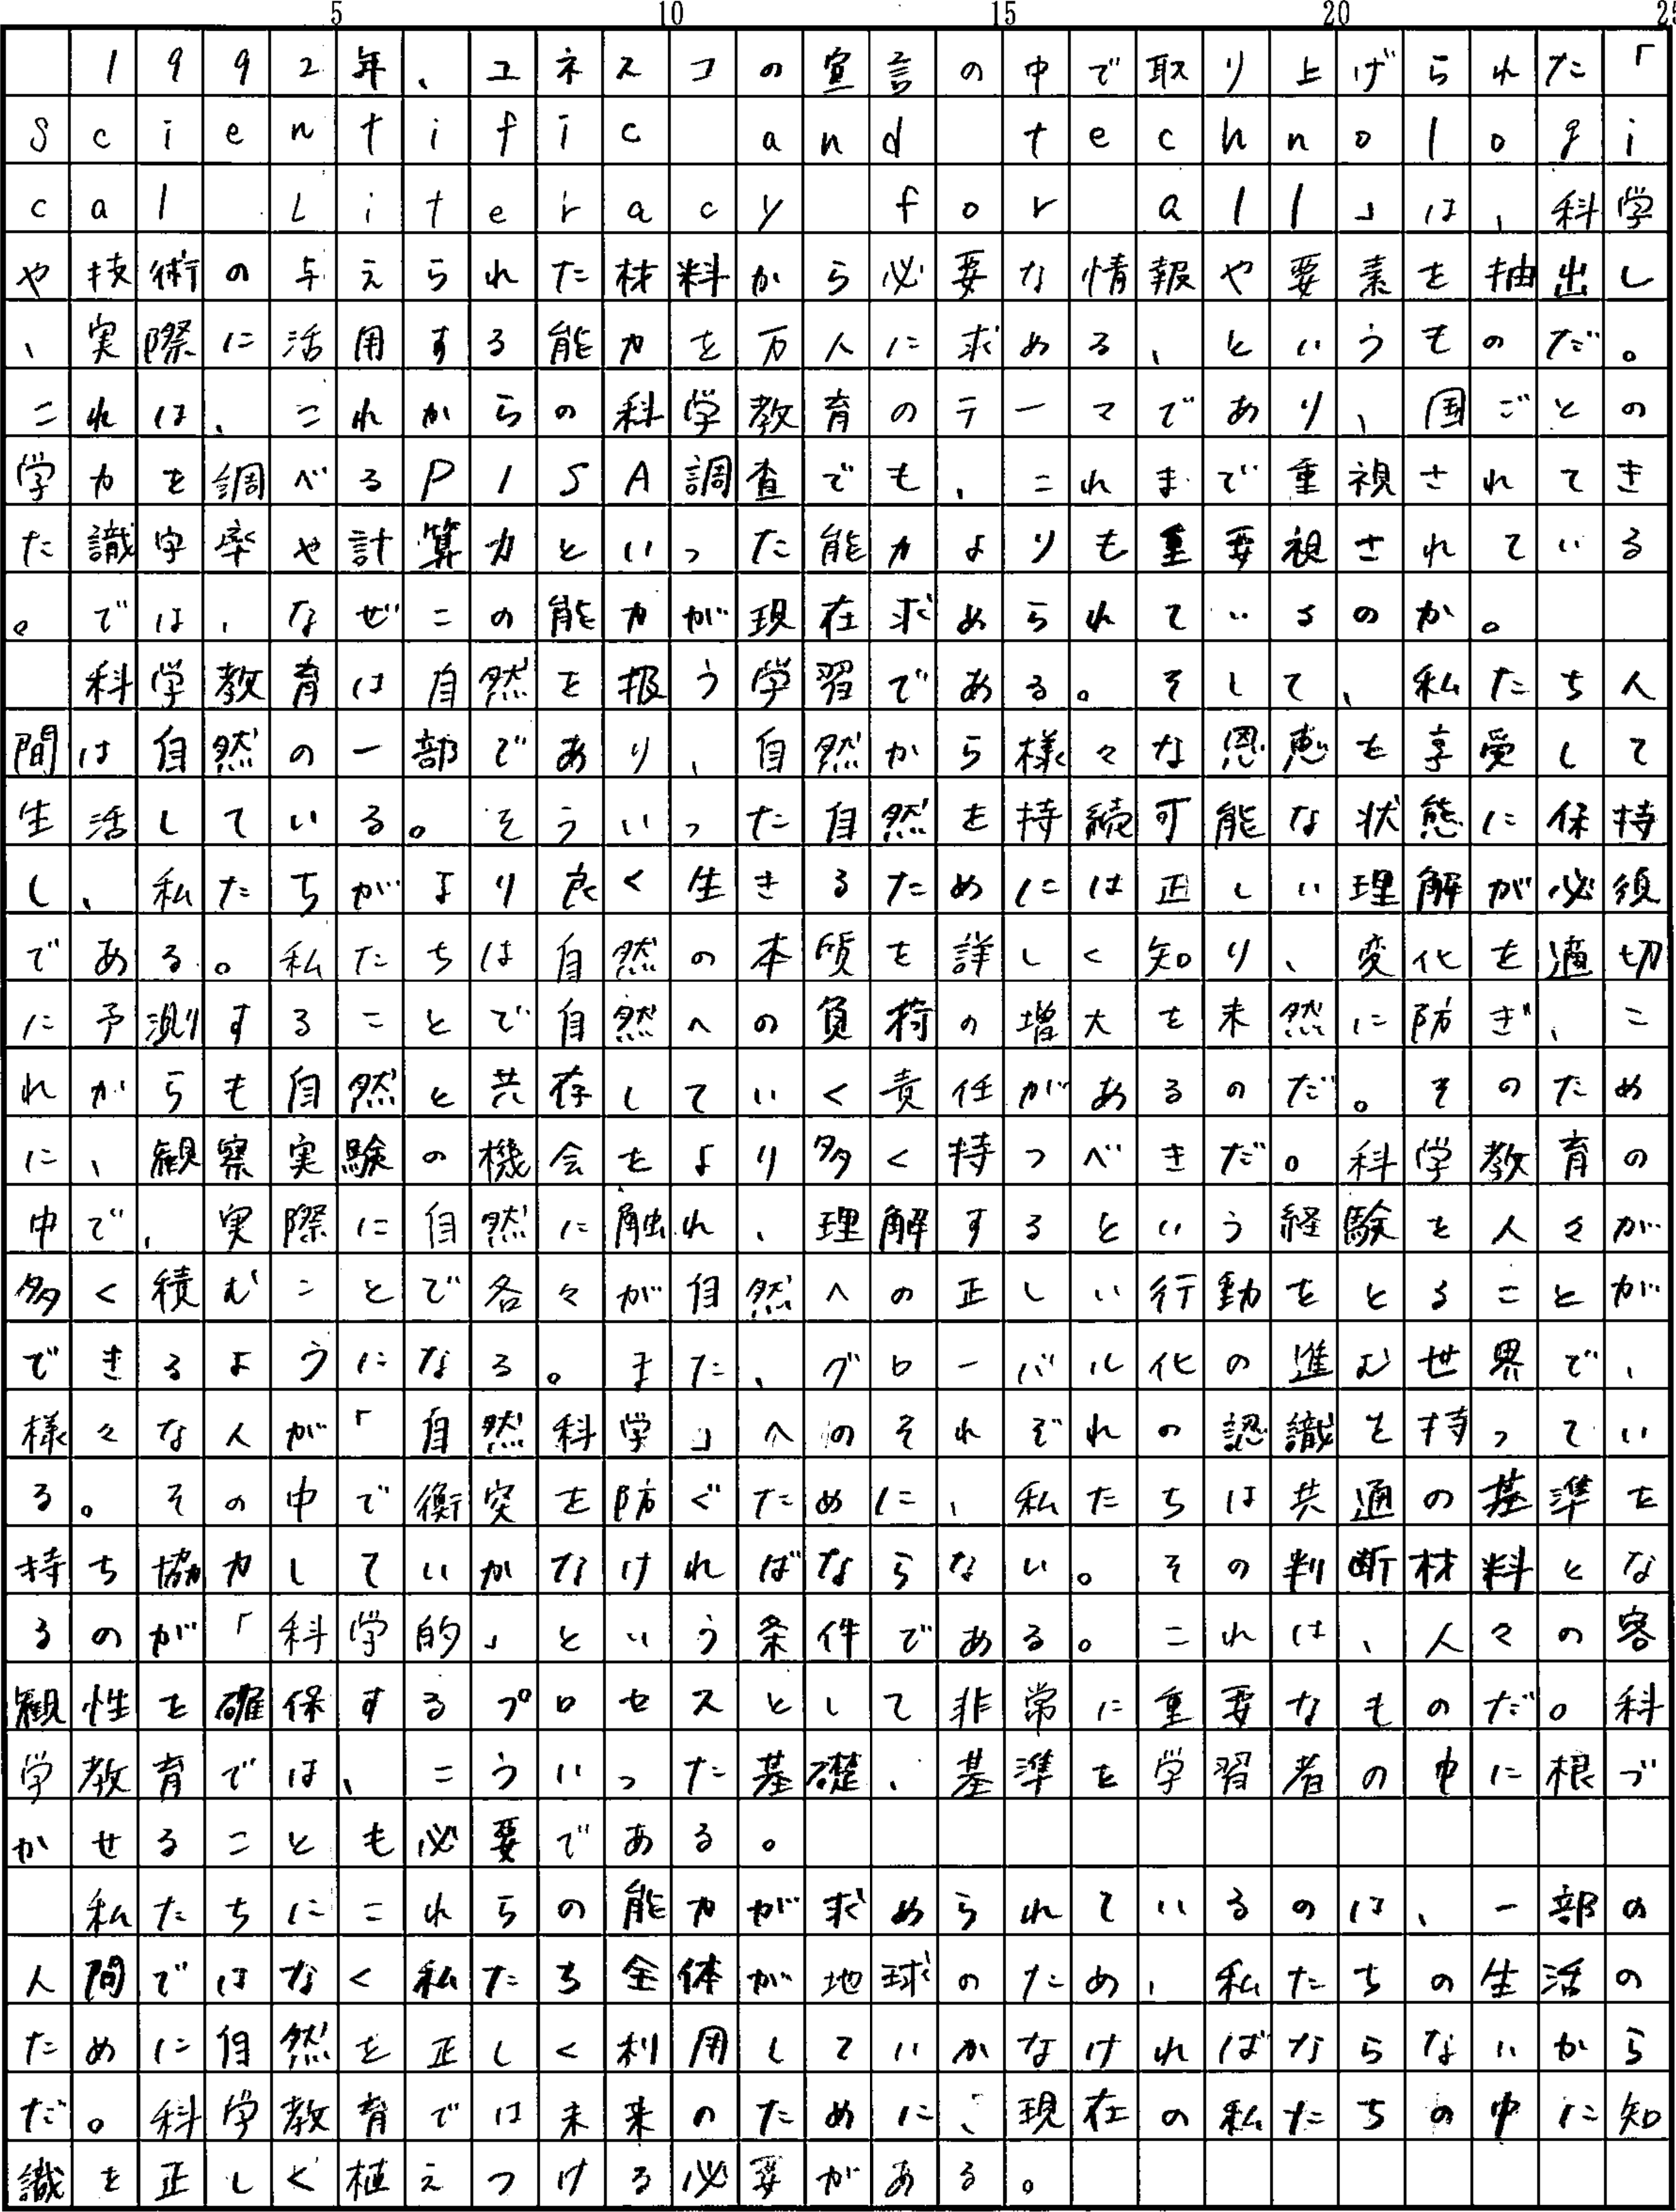　１９９２年、ユネスコの宣言の中で取り上げられた「Ｓｃｉｅｎｔｉｆｉｃ　ａｎｄ　ｔｅｃｈｎｏｌｏｇｉｃａｌ　Ｌｉｔｅｒａｃｙ　ｆｏｒ　ａｌｌ」は、科学や技術の与えられた材料から必要な情報や要素を抽出し、実際に活用する能力を万人に求める、というものだ。これは、これからの科学教育のテーマであり、国ごとの学力を調べるＰＩＳＡ調査でも、これまで重視されてきた識字率や計算力といった能力よりも重要視されている。では、なぜこの能力が現在求められているのか。
　科学教育は自然を扱う学習である。そして、私たち人間は自然の一部であり、自然から様々な恩恵を享受して生活している。そういった自然を持続可能な状態に保持し、私たちがより良く生きるためには正しい理解が必須である。私たちは自然の本質を詳しく知り、変化を適切に予測することで自然への負荷の増大を未然に防ぎ、これからも自然と共存していく責任があるのだ。そのために、観察実験の機会をより多く持つべきだ。科学教育の中で、実際に自然に触れ、理解するという経験を人々が多く積むことで各々が自然への正しい行動をとることができるようになる。また、グローバル化の進む世界で、様々な人が「自然科学」へのそれぞれの認識を持っている。その中で衡突を防ぐために、私たちは共通の基準を持ち協力していかなければならない。その判断材料となるのが「科学的」という条件である。これは、人々の客観性を確保するプロセスとして非常に重要なものだ。科学教育では、こういった基礎、基準を学習者の中に根づかせることも必要である。
　私たちにこれらの能力が求められているのは、一部の人間ではなく私たち全体が地球のため、私たちの生活のために自然を正しく利用していかなければならないからだ。科学教育では未来のために、現在の私たちの中に知識を正しく植えつける必要がある。
